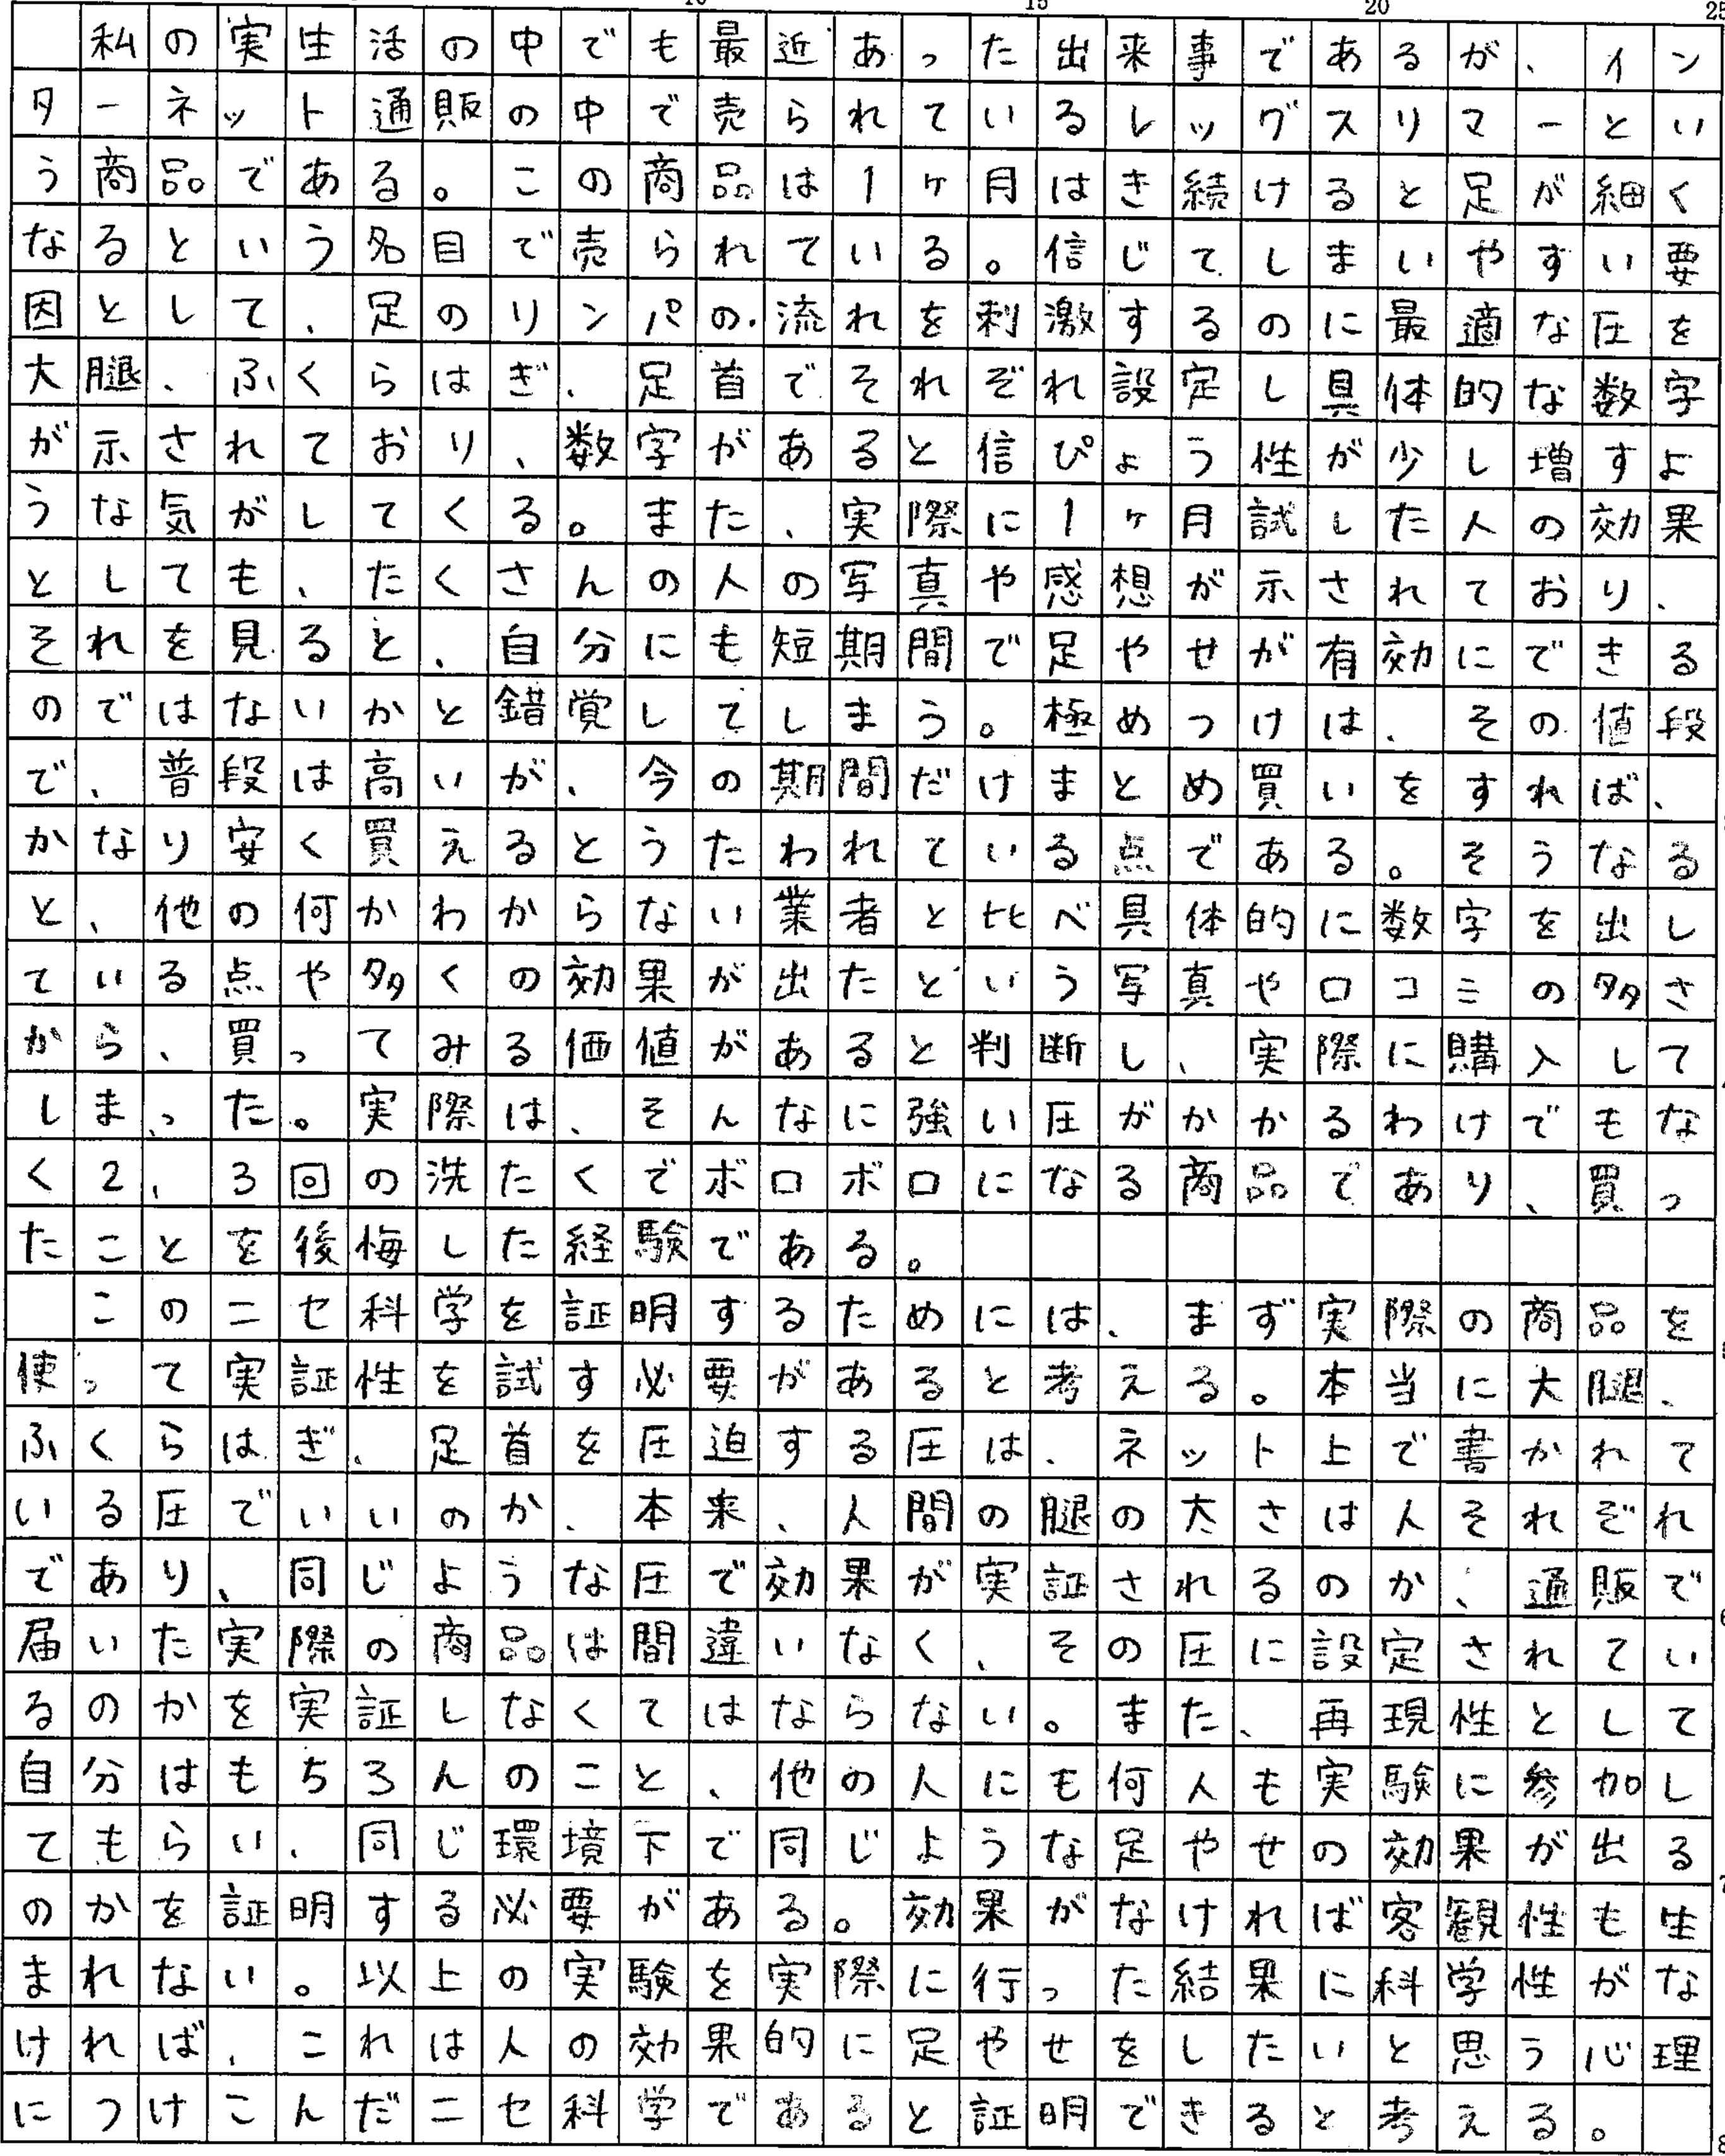　私の実生活の中でも最近あった出来事であるが、インターネット通販の中で売られているレッグスリマーという商品である。この商品は１ヶ月はき続けると足が細くなるという名目で売られている。信じてしまいやすい要因として、足のリンパの流れを刺激するのに最適な圧を大腿、ふくらはぎ、足首でそれぞれ設定し具体的な数字が示されており、数字があると信ぴょう性が少し増すような気がしてくる。また、実際に１ヶ月試した人の効果としても、たくさんの人の写真や感想が示されており、それを見ると、自分にも短期間で足やせが有効にできるのではないかと錯覚してしまう。極めつけは、その値段で、普段は高いが、今の期間だけまとめ買いをすれば、かなり安く買えるとうたわれている点である。そうなると、他の何かわからない業者と比べ具体的に数字を出している点や多くの効果が出たという写真や口コミの多さから、買ってみる価値があると判断し、実際に購入してしまった。実際は、そんなに強い圧がかかるわけでもなく２、３回の洗たくでボロボロになる商品であり、買ったことを後悔した経験である。
　このニセ科学を証明するためには、まず実際の商品を使って実証性を試す必要があると考える。本当に大腿、ふくらはぎ、足首を圧迫する圧は、ネット上で書かれている圧でいいのか、本来、人間の腿の太さは人それぞれであり、同じような圧で効果が実証されるのか、通販で届いた実際の商品は間違いなく、その圧に設定されているのかを実証しなくてはならない。また、再現性として自分はもちろんのこと、他の人にも何人も実験に参加してもらい、同じ環境下で同じような足やせの効果が出るのかを証明する必要がある。効果がなければ客観性も生まれない。以上の実験を実際に行った結果に科学性がなければ、これは人の効果的に足やせをしたいと思う心理につけこんだニセ科学であると証明できると考える。
